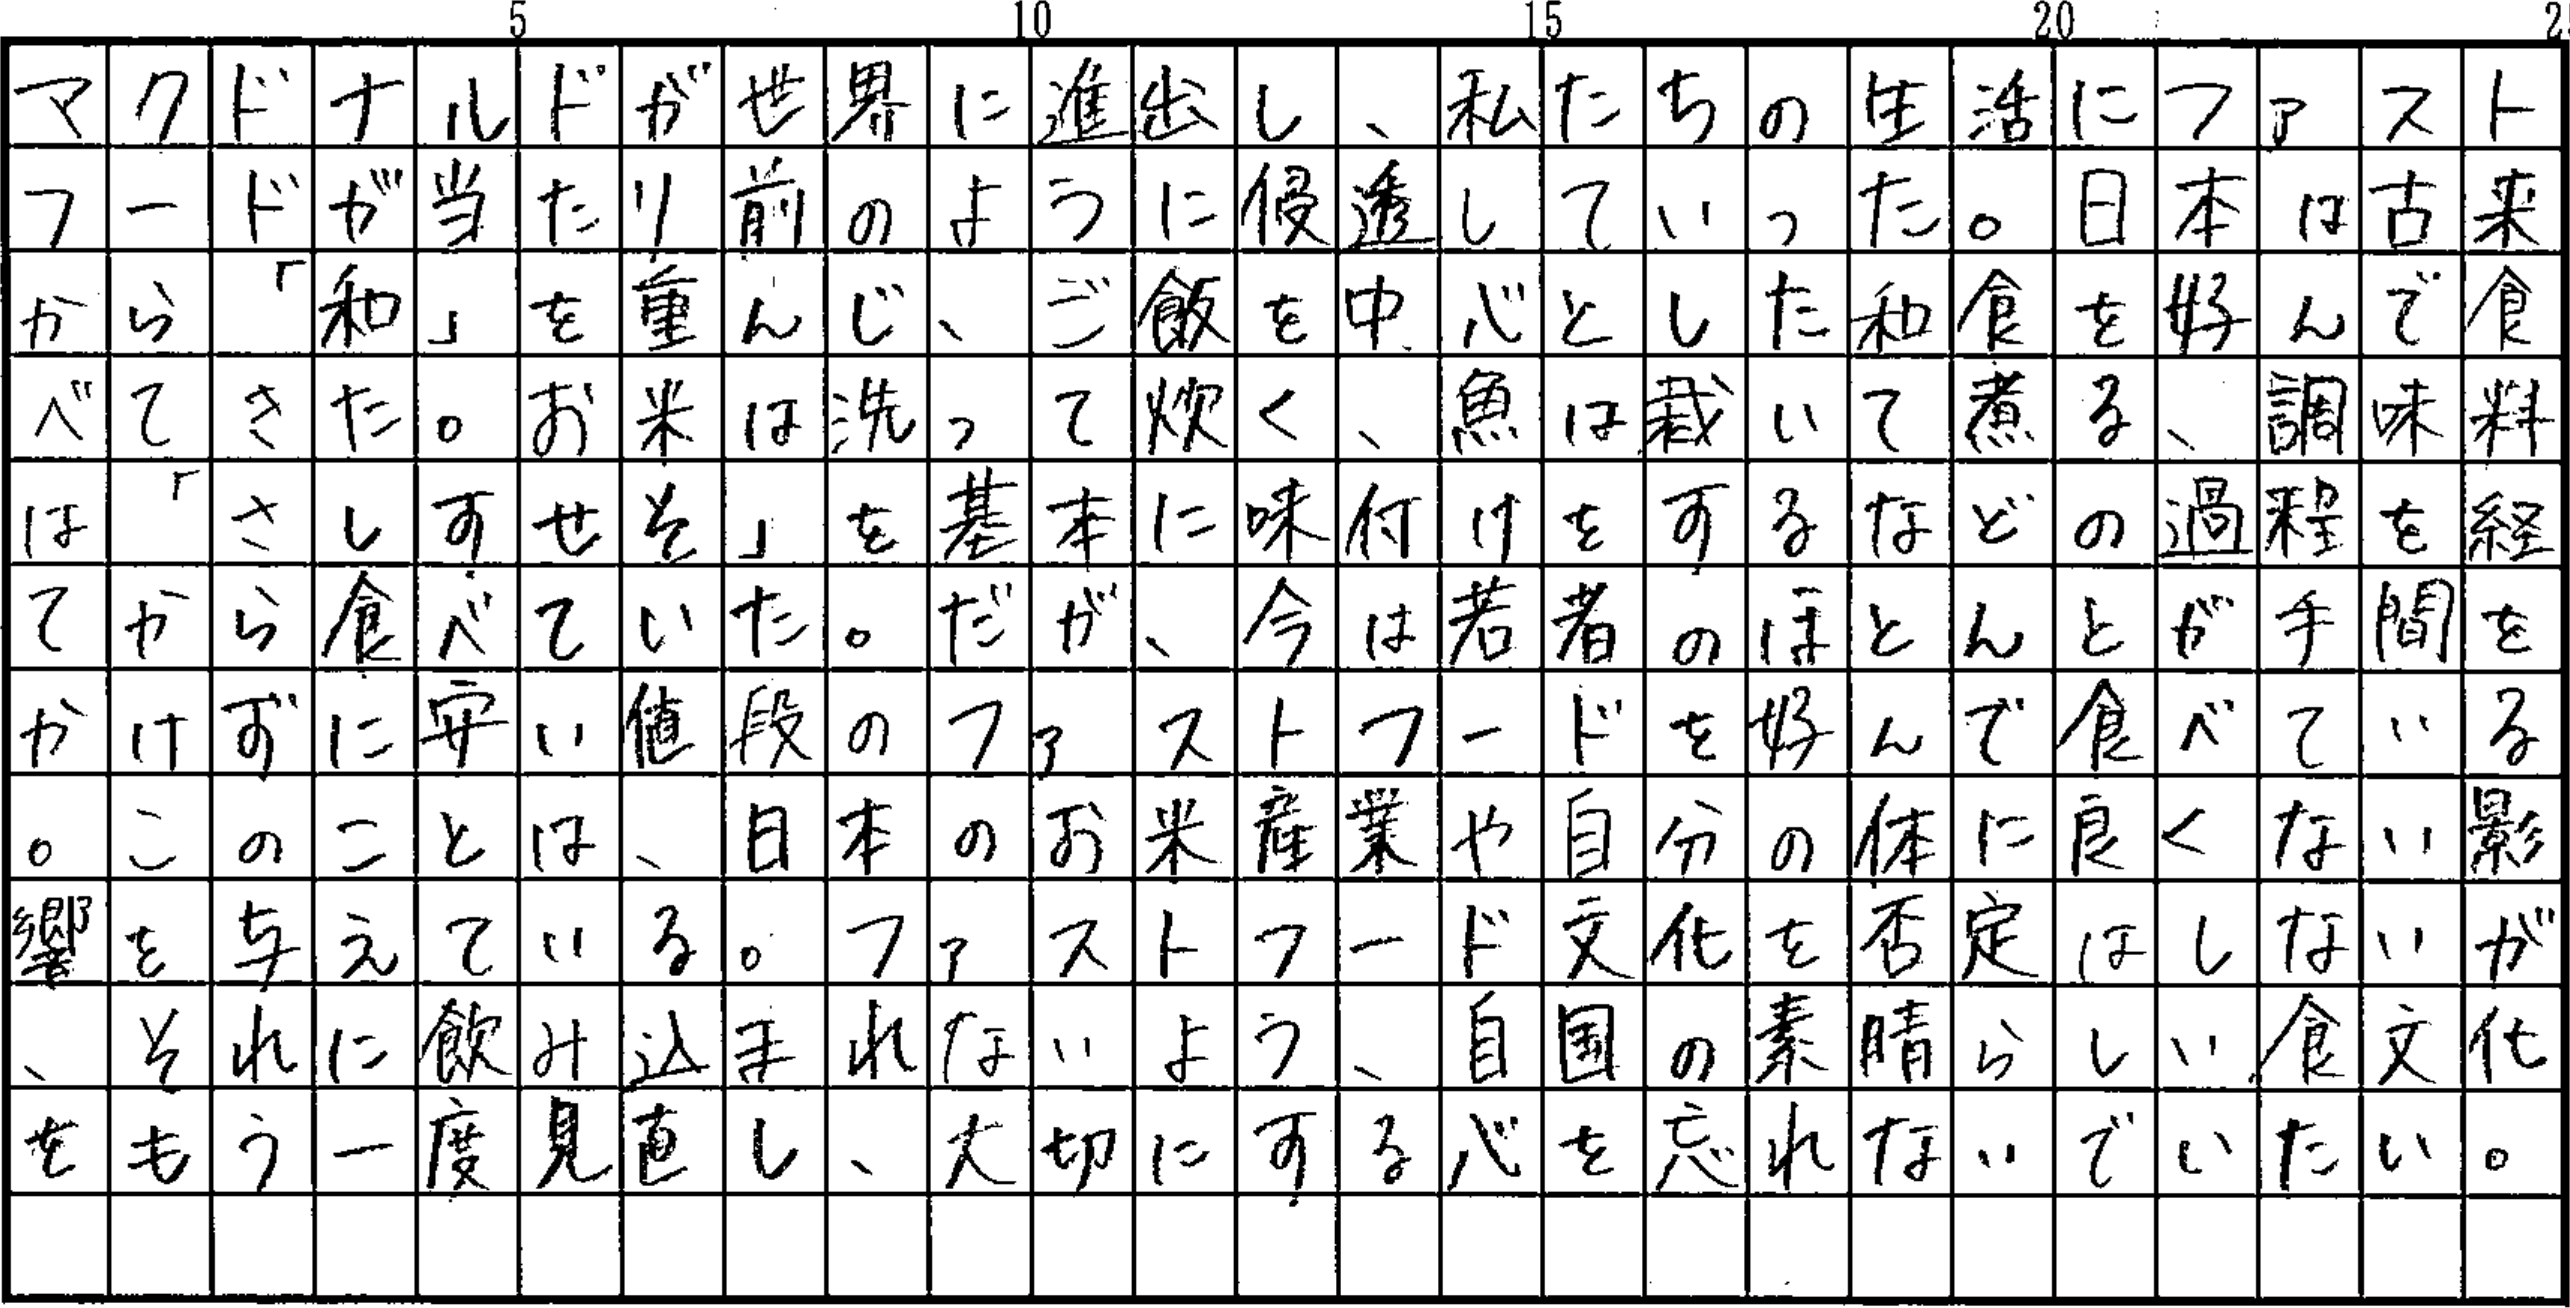マクドナルドが世界に進出し、私たちの生活にファストフードが当たり前のように侵透していった。日本は古来から「和」を重んじ、ご飯を中心とした和食を好んで食べてきた。お米は洗って炊く、魚は裁いて煮る、調味料は「さしすせそ」を基本に味付けをするなどの過程を経てから食べていた。だが、今は若者のほとんどが手間をかけずに安い値段のファストフードを好んで食べている。このことは、日本のお米産業や自分の体に良くない影響を与えている。ファストフード文化を否定はしないが、それに飲み込まれないよう、自国の素晴らしい食文化をもう一度見直し、大切にする心を忘れないでいたい。
